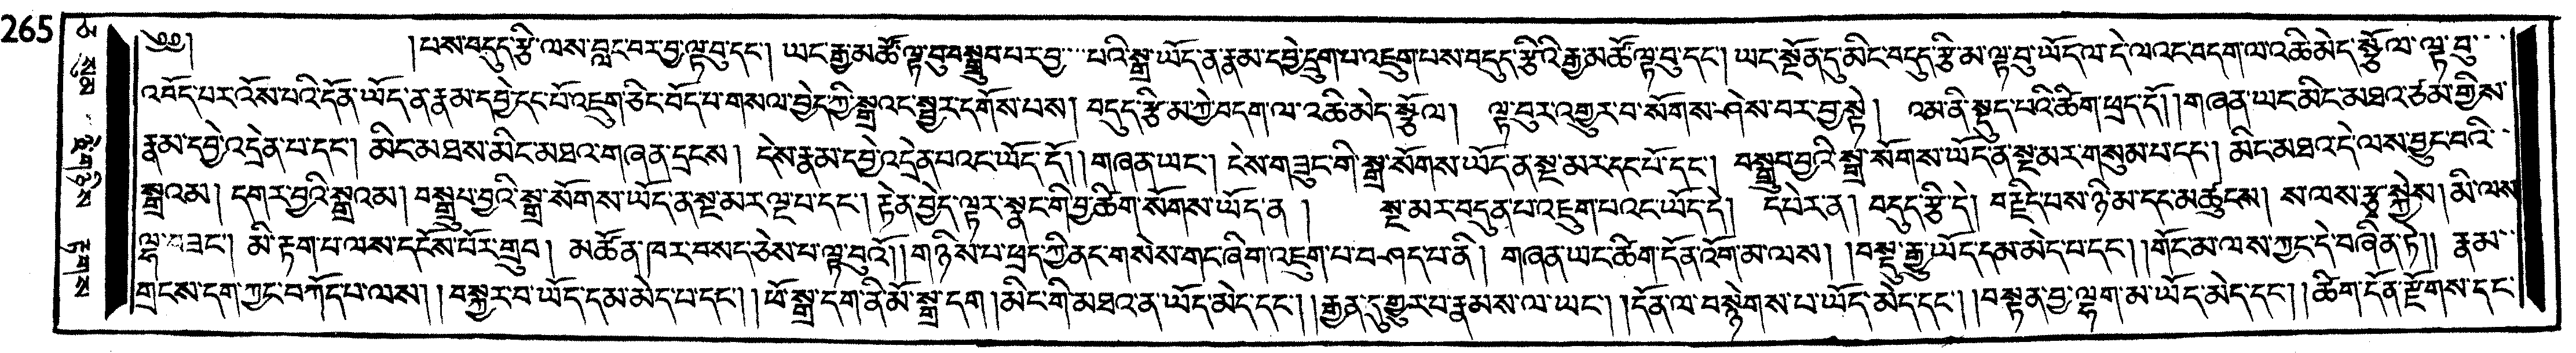༄༅། །པས་བདུད་རྩི་ལས་བླང་བར་བྱ་ལྟ་བུ་དང་། ཡང་རྒྱ་མཚོ་ལྟ་བུ་བསྒྲུབ་པར་བྱ་་་པའི་སྒྲ་ཡོད་ན་རྣམ་དབྱེ་དྲུག་པ་འཇུག་པས་བདུད་རྩིའི་རྒྱ་མཚོ་ལྟ་བུ་དང་། ཡང་སྔོན་དུ་མིང་བདུད་རྩི་མ་ལྟ་བུ་ཡོད་ལ་དེ་ལའང་བདག་ལ་འཆི་མེད་སྩོལ་ལྟ་བུ་
འབོད་པར་འོས་པའི་དོན་ཡོད་ན་རྣམ་དབྱེ་དང་པོ་འཇུག་ཅིང་བོད་པ་གསལ་བྱེད་ཀྱི་སྒྲའང་སྦྱར་དགོས་པས། བདུད་རྩི་མ་ཀྱེ་བདག་ལ་འཆི་མེད་སྩོལ། ལྟ་བུར་འགྱུར་བ་སོགས་ཤེས་པར་བྱ་སྟེ། འམ་ནི་སྡུད་པའི་ཚིག་ཕྲད་དོ། །གཞན་ཡང་མིང་མཐའ་ཙམ་གྱིས་
རྣམ་དབྱེ་འདྲེན་པ་དང་། མིང་མཐས་མིང་མཐའ་གཞན་དྲངས། དེས་རྣམ་དབྱེ་འདྲེན་པའང་ཡོད་དོ། །གཞན་ཡང་། ངེས་གཟུང་གི་སྒྲ་སོགས་ཡོད་ན་སྔ་མར་དང་པོ་དང་། བསྒྲུབ་བྱའི་སྒྲ་སོགས་ཡོད་ན་སྔ་མར་གསུམ་པ་དང་། མིང་མཐའ་དེ་ལས་བྱུང་བའི་
སྒྲའམ། དགར་བྱའི་སྒྲའམ། བསྒྲུབ་བྱའི་སྒྲ་སོགས་ཡོད་ན་སྔ་མར་ལྔ་པ་དང་། རྟེན་བྱེད་ལྟར་སྣང་གི་བྱ་ཚིག་སོགས་ཡོད་ན། སྔ་མར་བདུན་པ་འཇུག་པའང་ཡོད་དེ། དཔེར་ན། བདུད་རྩི་དེ། བརྗིད་པས་ཉི་མ་དང་མཚུངས། ས་ལས་རྩྭ་སྐྱེས། མི་ལས་
ལྷ་བཟང་། མི་རྟག་པ་ལས་དངོས་པོར་གྲུབ། མཚོན་ཁར་བསད་ཅེས་པ་ལྟ་བུའོ། །གཉིས་པ་ཕྲད་ཀྱི་ནང་གསེས་གང་ཞིག་འཇུག་པ་བཤད་པ་ནི། གཞན་ཡང་ཚིག་དོན་འོག་མ་ལས། །བསྡུ་རྒྱུ་ཡོད་དམ་མེད་པ་དང་། །གོང་མ་ལས་ཀྱང་དེ་བཞིན་ཏེ། །རྣམ་
གྲངས་དག་ཀྱང་བཀོད་པ་ལས། །བསྐྱར་བ་ཡོད་དམ་མེད་པ་དང་། །ཕོ་སྒྲ་དག་ནི་མོ་སྒྲ་དག །མིང་གི་མཐའ་ན་ཡོད་མེད་དང་། །རྒྱན་དུ་གྱུར་པ་རྣམས་ལ་ཡང་། །དོན་ལ་བསྙེགས་པ་ཡོད་མེད་དང་། །བསྟན་བྱ་ལྷག་མ་ཡོད་མེད་དང་། །ཚིག་དོན་རྫོགས་དང་